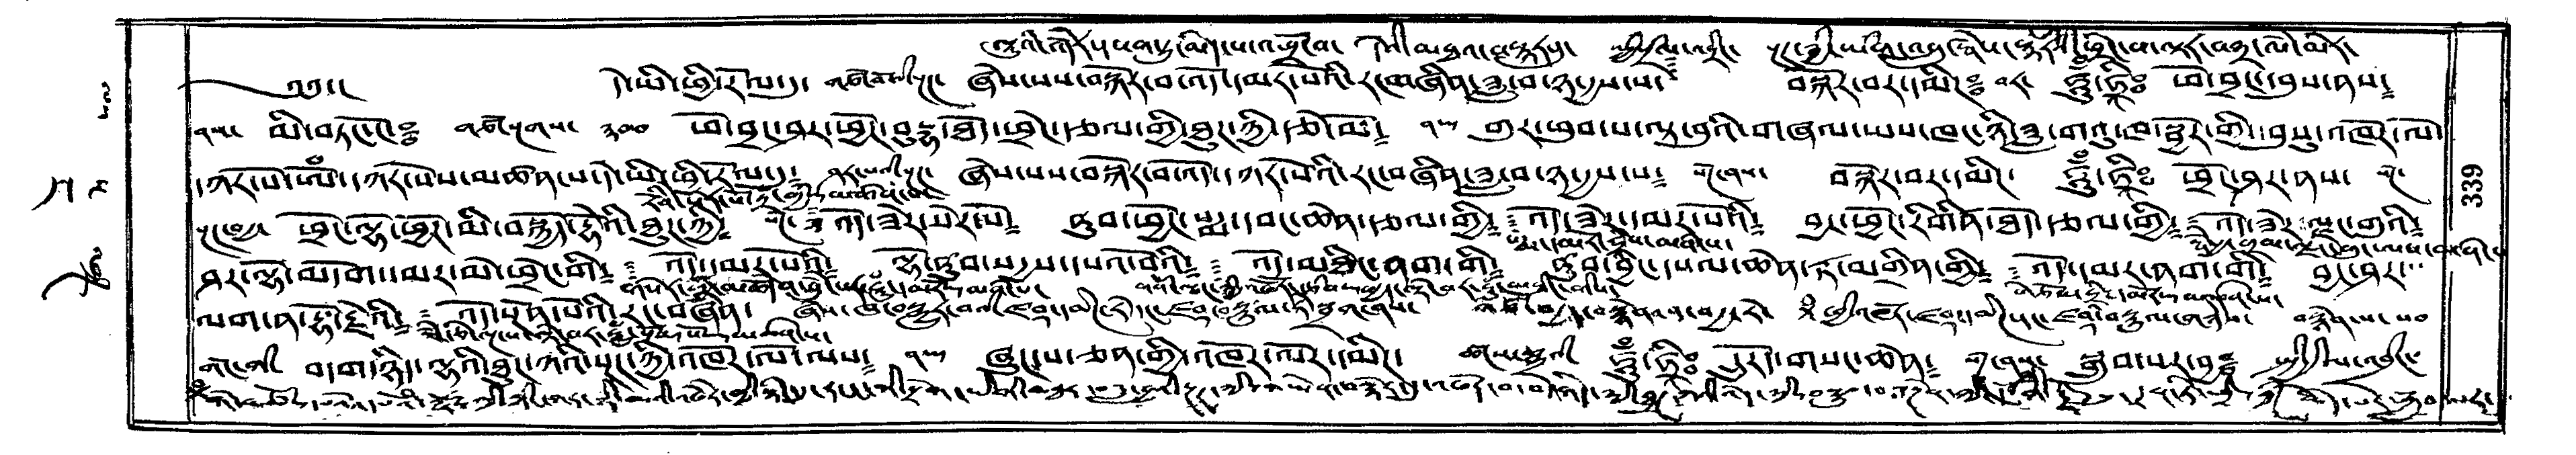དེ་ཡི་ཕྱི་རོལ་དུ༴ གཙོ་བོའི་སྔགས། ཞེས་པས་བསྐོར་བ་འོད་དམར་པོའི་རང་གཞིན་ཟླ་བ་ཉ་རྒྱས་པ༴ བསྐོར་བར་དམིགས། བར། ཧཱུྃ་ཧྲཱིཿ ཕོ་བྲང་དབུས་ནས༴ 
ནས། མི་བཏང་ངོ༔ གཙོ་སྔགས། ཕོ་བྲང་ཤར་ཕྱོགས་བུདྡྷ་ཐོད་ཕྲེང་རྩལ་གྱི་ཐུགས་ཀྱི་རྩེ་མོ༴ ནས། གུར་ཕུབ་པ་ལྟ་བུའི་གཞལ་ཡས་ཁང་ཉི་ཟླ་གའུ་ཁ་སྦྱོར་གྱི་དབུས་སུ་འཁོར་ལོ་
དཀར་པོ་ཨོཾ་དཀར་པོས་མཚན་པ་དེ་ཡི་ཕྱི་རོལ་དུ། སྔགས། ཞེས་པས་བསྐོར་བ་འོད་དཀར་པོའི་རང་བཞིན་ཟླ་བ་ཉ་རྒྱས་པ༴ སོགས་ནས། བསྐོར་བར་དམིགས། ཧཱུྃ་ཧྲཱིཿ ཕོ་བྲང་ཤར་ནས༴ སོགས་
སྔགས་བརྒྱ། ཕོ་བྲང་ལྷོ་ཕྱོགས་མི་སྐྱོད་རྡོ་རྗེའི་ཐུགས་ཀྱི༴ སོགས། འོད་ཟེར་སེར་པོ༴ ནུབ་ཕྱོགས་པདྨ་དབང་ཆེན་རྩལ་གྱི༴ འོད་ཟེར་དམར་པོའི༴ བྱང་ཕྱོགས་རིག་འཛིན་ཐོད་ཕྲེང་རྩལ་གྱི༴ འོད་ཟེར་ལྗང་གུའི༴ 
ཤར་ལྷོ་མདོག་དམར་མེ་ཕྲེང་གི༴ འོད་དམར་པོའི༴ ལྷོ་ནུབ་སངས་རྒྱས་དཔའ་བོའི༴ འོད་མཐིང་ནག་གི༴ ནུབ་བྱང་དཔལ་ཆེན་རྟ་མགྲིན་གྱི༴ འོད་དམར་ནག་གི༴ བྱང་ཤར་
ལག་ན་རྡོ་རྗེའི༴ འོད་སྔོན་པོའི་རང་བཞིན༴ ཞེས་ཁ་བསྒྱུར་བའི་ཛཔྲ་དམིགས་རེ་དང་ཛཔྲ་སྐུལ་རེ་སྦྲགས་ནས། གཙོ་བརྒྱད་སྙེན་པ་བརྒྱ་རེ། ཕྱི་འཁོར་ཛཔྲ་དམིགས་དང་ཛཔྲའི་བསྐུལ་གཉིས། བསྙེན་པ་ལྔ་བཅུ། 
གོང་གི བདག་ཉིད་ལྷའི་ཐུགས་ཀའི་སྔགས་ཀྱི་འཁོར་ལོ་ལས༴ནས། ཞུགས་པ་ཅན་གྱི་འཁོར་ལོར་དམིགས། ཚངས་སྒྲའི། ཧཱུྃ་ཧྲཱིཿ དུར་ཁྲོད་གསང་ཆེན༴ སོགས་ནས། བསྒྲུབ་པར་བྱ༔ སྤྱི་དྲིལ་འབྲིང་